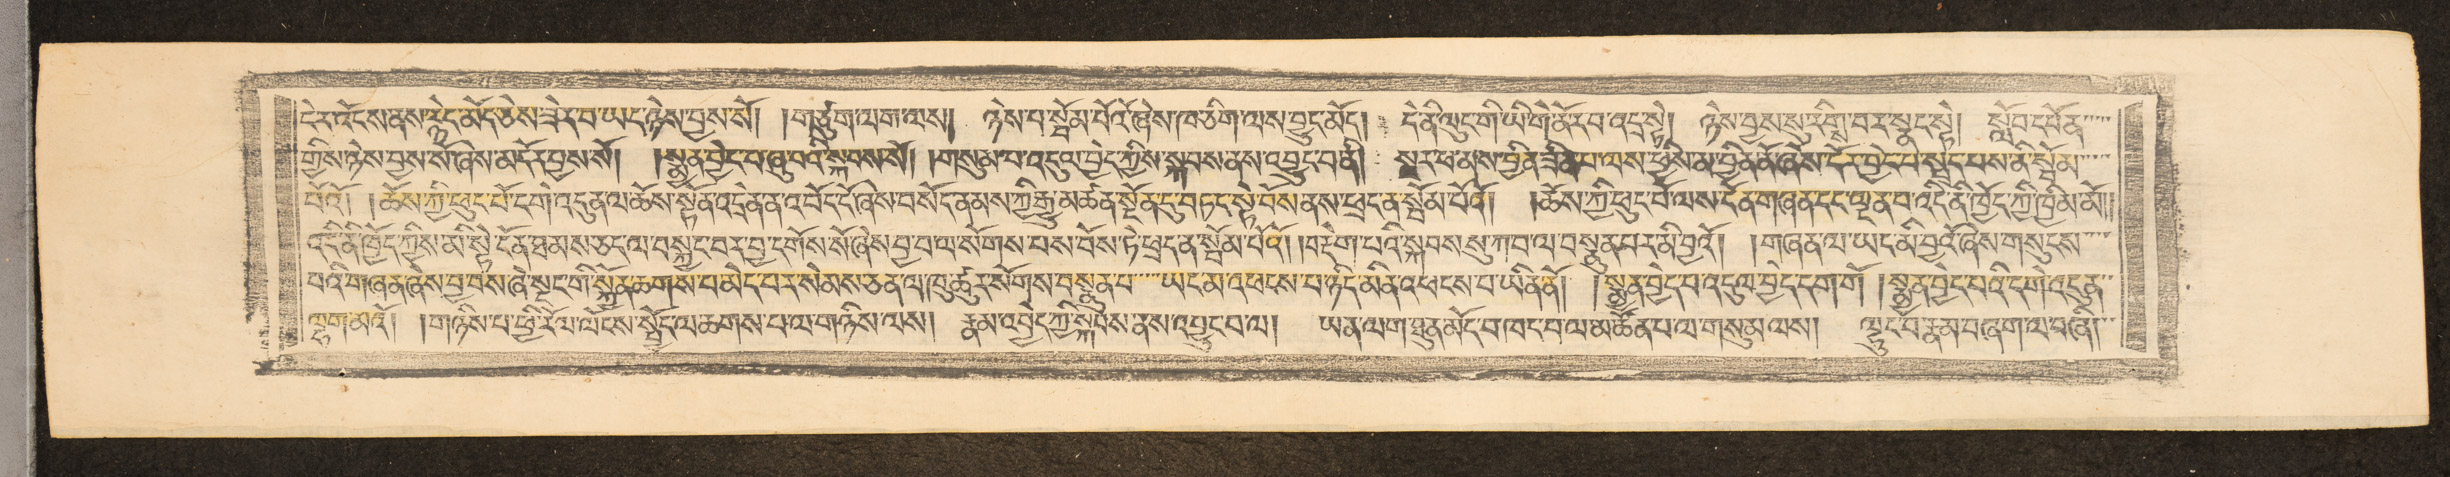དེར་འོངས་ནས་རྙེད་མོད་ཅེས་ཟེར་བ་ཡང་ཉེས་བྱས་སོ། །གཙུག་ལག་ལས། ཉེས་པ་སྦོམ་པོའོ་ཞེས་ཁ་ཅིག་ལས་བྱུང་མོད། དེ་ནི་ལུང་གི་ཡི་གེ་ནོར་བ་འདྲ་སྟེ། ཉེས་བྱས་སུ་རིགས་པར་སྣང་སྟེ། སློབ་དབོན་
གྱིས་ཉེས་བྱས་སོ་ཞེས་མདོར་བྱས་སོ། །སྨྱན་བྱེད་པ་ཞུ་བའི་སྐབས་སོ། །གསུམ་པ་འདུལ་བྱེད་ཀྱིས་སྐབས་ནས་འབྱུང་བ་ནི། སྔར་ཕ་མས་བྱིན་ཟིན་པ་ལས་ཕྱིས་མ་བྱིན་ནོ་ཞེས་དོར་བྱེད་པ་སྤྲད་པས་ནི་སྦོམ་
པོའོ། །ཆོས་ཀྱི་ཕུང་པོ་དགེ་འདུན་ལ་ཆོས་སྟོན་འདྲེན་ན་འབོད་དོ་ཞེས་བསོད་ནམས་ཀྱི་རྒྱུ་མཚན་སྔོན་དུ་བཏང་སྟེ་བོས་ནས་ཕྲད་ན་སྦོམ་པོའོ། །ཆོས་ཀྱི་ཕུང་པོ་ལས་དོན་གཞན་དང་ལྡན་པ་འདི་ནི་ཁྱོད་ཀྱི་ཁྱིམ་མོ།།
འདི་ནི་ཁྱོད་ཀྱིས་མི་སྟེ་དོན་ཐམས་ཅད་ལ་བསྐྱང་བར་བྱ་དགོས་སོ་ཞེས་བྱ་བ་ལ་སོགས་པས་བོས་ཏེ་ཕྲད་ན་སྤོམ་པོའོ། །བརྡེག་པའི་སྐབས་སུ་ཀ་བ་ལ་བསྣུན་པར་མི་བྱའོ། །གཞན་ལ་ཡང་མི་བྱའོ་ཞེས་གསུངས་
པའི་གཞན་ཞེས་བྱ་བས་ཞེ་སྡང་གི་སྐྱོན་ཆགས་པ་མེད་པར་སེམས་ཅན་ལ་ཁུ་ཚུར་སོགས་བསྣུན་པ་ཡང་མ་འཕངས་པ་ཉིད་མིན་འཕངས་པ་ཡིན་ནོ། །སྨྱན་བྱེད་པ་འདུལ་བྱེད་དག་གོ །སྨྱན་བྱེད་པའི་དགེ་འདུན་
ལྷག་མའོ། །གཉིས་པ་ཕྱི་རོལ་ལོངས་སྤྱོད་ལ་ཆགས་པ་ལ་གཉིས་ལས། རྣམ་འབྱེད་ཀྱི་སྐབས་ནས་འབྱུང་བ་ལ། ཡན་ལག་ཐུན་མོང་བ་ཁང་བ་ལ་མ་ཚོན་པ་ལ་གསུམ་ལས། ལྟུང་བ་རྣམ་བཞག་ལ་བཞི་